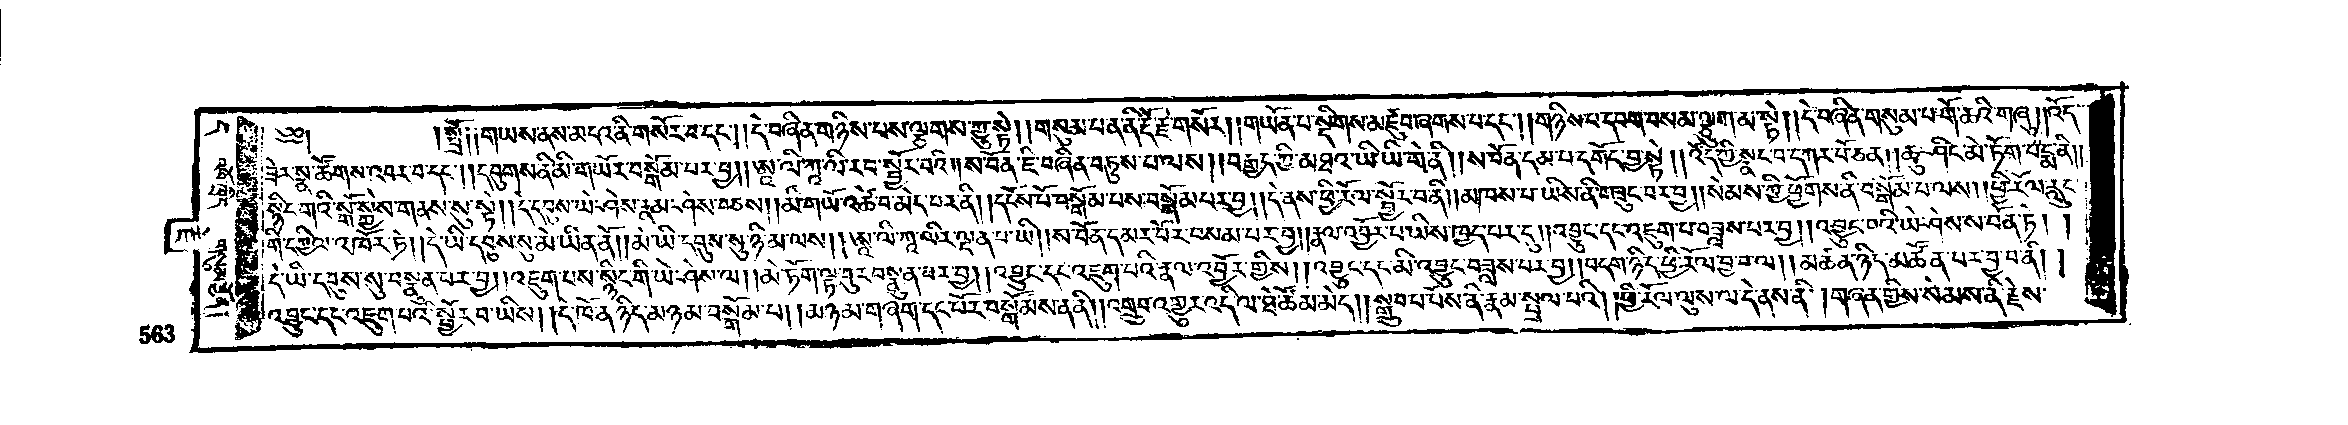༄༅། །སྤྲོ། །གཡས་ནས་མངའ་ནི་གསོར་བ་དང་། །དེ་བཞིན་གཉིས་པས་ལྕགས་ཀྱུ་སྟེ། །གསུམ་པ་ན་ནི་རྡོ་རྗེ་གསོར། །གཡོན་པ་སྡིགས་མཛུབ་ཞགས་པ་དང་། །གཉིས་པ་དཔག་བསམ་ལྕུག་མ་སྟེ། །དེ་བཞིན་གསུམ་པ་གོ་ཆའི་གཞུ། །འོད་
ཟེར་སྣ་ཚོགས་འབར་བ་དང་། །དབུགས་ནི་མི་གཡོར་བསྒོམ་པར་བྱ། །ཨཱ་ལི་ཀཱ་ལི་རབ་སྦྱོར་བའི། །ས་བོན་ཇི་བཞིན་བཏུས་པ་ལས། །བརྒྱད་ཀྱི་མཐའ་ཡི་ཡི་གེ་ནི། །ས་བོན་དམ་པ་དགོད་བྱ་སྟེ། །འོད་ཀྱི་སྣང་བ་དཀར་པོ་ཅན། །ཆུ་ཤིང་མེ་ཏོག་པདམ་ནི། །
སྙིང་གའི་སྒོ་སྐྱེས་གནས་སུ་སྟེ། །དེ་དབུས་ཡེ་ཤེས་རྣམ་ཤེས་བཅས། །མི་གཡོ་འཚེ་བ་མེད་པར་ནི། །དངོས་པོ་བསྒོམ་པས་བསྒོམ་པར་བྱ། །དེ་ནས་ཕྱི་རོལ་སྦྱོར་བ་ནི། །མཁས་པ་ཡིས་ནི་གཟུང་བར་བྱ། །སེམས་ཀྱི་ཕྱོགས་ནི་བསྒོམ་པ་ལས། །ཕྱི་རོལ་རླུང་
གི་དཀྱིལ་འཁོར་ཏེ། །དེ་ཡི་དབུས་སུ་མེ་ཡིན་ནོ། །མེ་ཡི་དབུས་སུ་ཉི་མ་ལས། །ཨཱ་ལི་ཀཱ་ལིར་ལྡན་པ་ཡི། །ས་བོན་དམར་པོར་བསམ་པར་བྱ། །རྣལ་འབྱོར་པ་ཡིས་ཁྱད་པར་དུ། །འབྱུང་དང་འཇུག་པ་བཟླས་པར་བྱ། །འབྱུང་བའི་ཡེ་ཤེས་ས་བོན་ཏེ། །
དེ་ཡི་དབུས་སུ་བསྣུན་པར་བྱ། །འཇུག་པས་སྙིང་གི་ཡེ་ཤེས་ལ། །མེ་ཏོག་ལྟ་བུར་བསྣུན་པར་བྱ། །འབྱུང་དང་འཇུག་པའི་རྣལ་འབྱོར་གྱིས། །འབྱུང་དང་མི་འབྱུང་བཟླས་པར་བྱ། །བདག་ཉིད་ཕྱི་རོལ་བྱ་བ་ལ། །མཚན་ཉིད་མཚོན་པར་བྱ་བ་ནི། ། འབྱུང་དང་འཇུག་པའི་སྦྱོར་བ་ཡིས། །དེ་ཁོ་ན་ཉིད་མཉམ་བསྒོམ་པ། །མཉམ་གཞག་དང་པོར་བསྒོམས་ན་ནི། །འགྲུབ་འགྱུར་འདི་ལ་ཐེ་ཚོམ་མེད། །སྒྲུབ་པ་པོས་ནི་རྣམ་སྤྲལ་པའི། །ཕྱི་རོལ་ལུས་ལ་དེ་ནས་ནི། །གཞན་གྱིས་སེམས་ནི་རྗེས་